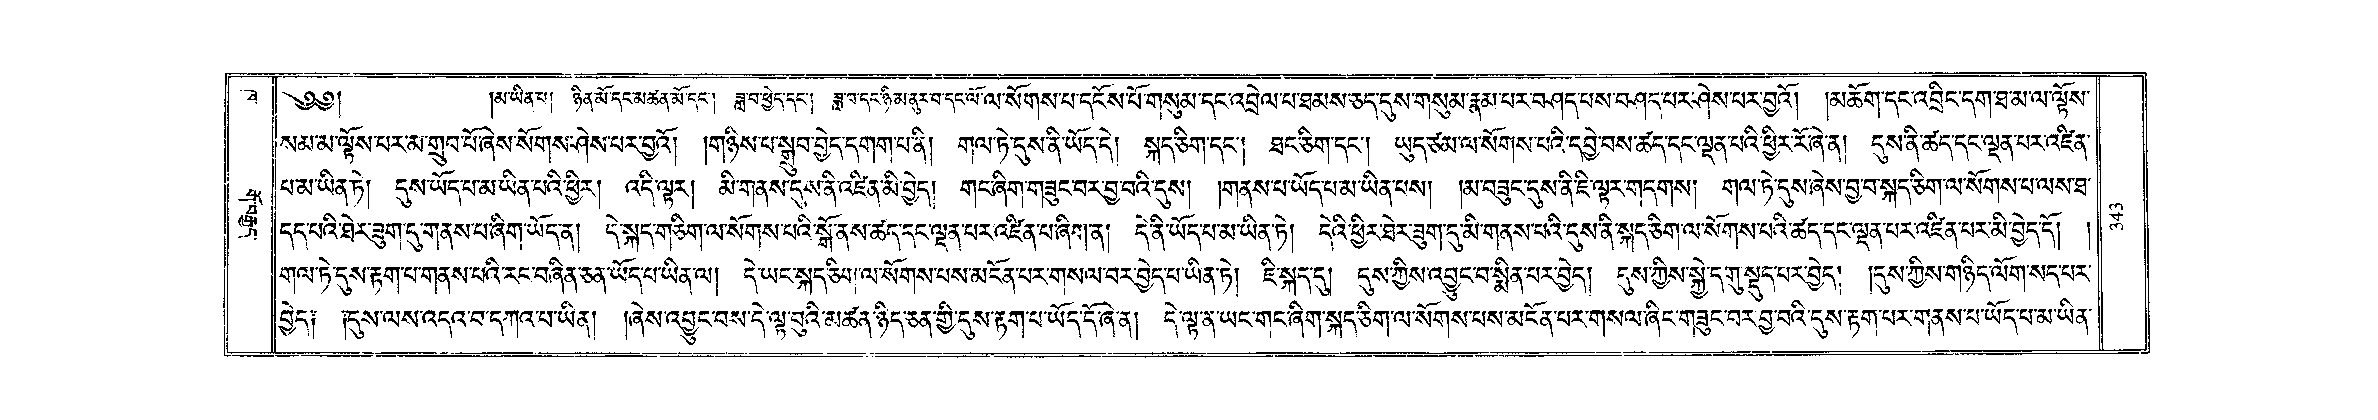༄༅། །མ་ཡིན་པ། ཉིན་མོ་དང་མཚན་མོ་དང་། ཟླ་བ་ཕྱེད་དང་། ཟླ་བ་དང་ཉི་མ་ནུར་བ་དང་ལོ་ལ་སོགས་པ་དངོས་པོ་གསུམ་དང་འབྲེལ་པ་ཐམས་ཅད་དུས་གསུམ་རྣམ་པར་བཤད་པས་བཤད་པར་ཤེས་པར་བྱའོ། །མཆོག་དང་འབྲིང་དག་ཐ་མ་ལ་ལྟོས་
སམ་མ་ལྟོས་པར་མ་གྲུབ་པོ་ཞེས་སོགས་ཤེས་པར་བྱའོ། །གཉིས་པ་སྒྲུབ་བྱེད་དགག་པ་ནི། གལ་ཏེ་དུས་ནི་ཡོད་དེ། སྐད་ཅིག་དང་། ཐང་ཅིག་དང་། ཡུད་ཙམ་ལ་སོགས་པའི་དབྱེ་བས་ཚད་དང་ལྡན་པའི་ཕྱིར་རོ་ཞེ་ན། དུས་ནི་ཚད་དང་ལྡན་པར་འཛིན་
པ་མ་ཡིན་ཏེ། དུས་ཡོད་པ་མ་ཡིན་པའི་ཕྱིར། འདི་ལྟར། མི་གནས་དུས་ནི་འཛིན་མི་བྱེད། གང་ཞིག་གཟུང་བར་བྱ་བའི་དུས། །གནས་པ་ཡོད་པ་མ་ཡིན་པས། །མ་བཟུང་དུས་ནི་ཇི་ལྟར་གདགས། གལ་ཏེ་དུས་ཞེས་བྱ་བ་སྐད་ཅིག་ལ་སོགས་པ་ལས་ཐ་
དད་པའི་ཐེར་ཟུག་དུ་གནས་པ་ཞིག་ཡོད་ན། དེ་སྐད་གཅིག་ལ་སོགས་པའི་སྒོ་ནས་ཚད་དང་ལྡན་པར་འཛིན་པ་ཞིག་ན། དེ་ནི་ཡོད་པ་མ་ཡིན་ཏེ། དེའི་ཕྱིར་ཐེར་ཟུག་དུ་མི་གནས་པའི་དུས་ནི་སྐད་ཅིག་ལ་སོགས་པའི་ཚད་དང་ལྡན་པར་འཛིན་པར་མི་བྱེད་དོ། །
གལ་ཏེ་དུས་རྟག་པ་གནས་པའི་རང་བཞིན་ཅན་ཡོད་པ་ཡིན་ལ། དེ་ཡང་སྐད་ཅིག་ལ་སོགས་པས་མངོན་པར་གསལ་བར་བྱེད་པ་ཡིན་ཏེ། ཇི་སྐད་དུ། དུས་ཀྱིས་འབྱུང་བ་སྨིན་པར་བྱེད། དུས་ཀྱིས་སྐྱེ་དགུ་སྡུད་པར་བྱེད། །དུས་ཀྱིས་གཉིད་ལོག་སད་པར་
བྱེད༑ ༑དུས་ལས་འདའ་བ་དཀའ་པ་ཡིན། །ཞེས་འབྱུང་བས་དེ་ལྟ་བུའི་མཚན་ཉིད་ཅན་གྱི་དུས་རྟག་པ་ཡོད་དོ་ཞེ་ན། དེ་ལྟ་ན་ཡང་གང་ཞིག་སྐད་ཅིག་ལ་སོགས་པས་མངོན་པར་གསལ་ཞིང་གཟུང་བར་བྱ་བའི་དུས་རྟག་པར་གནས་པ་ཡོད་པ་མ་ཡིན་